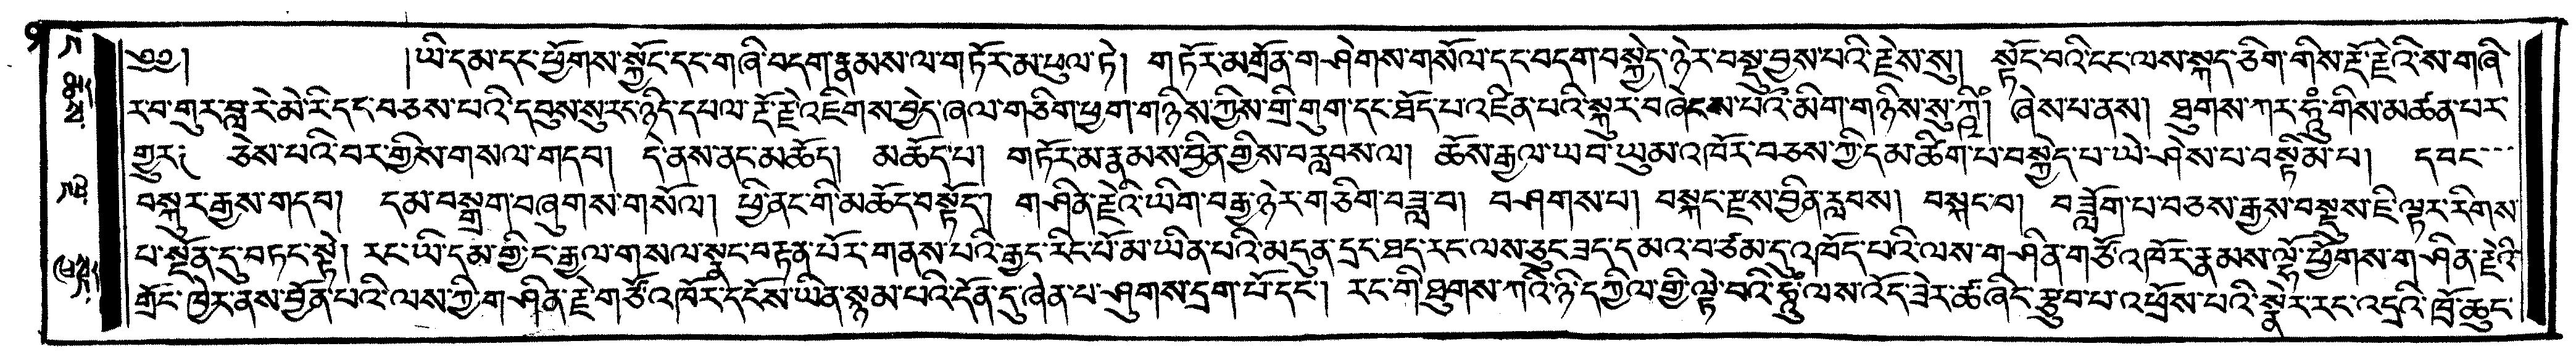༄༅། །ཡི་དམ་དང་ཕྱོགས་སྐྱོང་དང་གཞི་བདག་རྣམས་ལ་གཏོར་མ་ཕུལ་ཏེ། གཏོར་མགྲོན་གཤེགས་གསོལ་དང་བདག་བསྐྱེད་ཉེར་བསྡུ་བྱས་པའི་རྗེས་སུ། སྟོང་བའི་ངང་ལས་སྐད་ཅིག་གིས་རྡོ་རྗེའི་ས་གཞི་
ར་བ་གུར་བླ་རེ་མེ་རི་དང་བཅས་པའི་དབུས་སུ་རང་ཉིད་དཔལ་རྡོ་རྗེ་འཇིགས་བྱེད་ཞལ་གཅིག་ཕྱག་གཉིས་ཀྱིས་གྲི་གུག་དང་ཐོད་པ་འཛིན་པའི་སྐུར་བཞེངས་པའི་མིག་གཉིས་སུ་ཀྵིཾ། ཞེས་པ་ནས། ཐུགས་ཀར་ཧཱུཾ་གིས་མཚན་པར་
གྱུར༑ ཅེས་པའི་བར་གྱིས་གསལ་གདབ། དེ་ནས་ནང་མཆོད། མཆོད་པ། གཏོར་མ་རྣམས་བྱིན་གྱིས་བརླབས་ལ། ཆོས་རྒྱལ་ཡབ་ཡུམ་འཁོར་བཅས་ཀྱི་དམ་ཚིག་པ་བསྐྱེད་པ་ཡེ་ཤེས་པ་བསྟིམ་པ། དབང་
བསྐུར་རྒྱས་གདབ། དམ་བསྒྲག་བཞུགས་གསོལ། ཕྱི་ནང་གི་མཆོད་བསྟོད། གཤིན་རྗེའི་ཡིག་བརྒྱ་ཉེར་གཅིག་བཟླ་བ། བཤགས་པ། བསྐང་རྫས་བྱིན་རླབས། བསྐང་བ། བཟློག་པ་བཅས་རྒྱས་བསྡུས་ཇི་ལྟར་རིགས་
པ་སྔོན་དུ་བཏང་སྟེ། རང་ཡི་དམ་གྱི་ང་རྒྱལ་གསལ་སྣང་བརྟན་པོར་གནས་པའི་རྒྱང་རིང་པོ་མ་ཡིན་པའི་མདུན་དྲང་ཐད་རང་ལས་ཅུང་ཟད་དམའ་བ་ཙམ་དུ་འཁོད་པའི་ལས་གཤིན་གཙོ་འཁོར་རྣམས་ལྷོ་ཕྱོགས་གཤིན་རྗེའི་
གྲོང་ཁྱེར་ནས་བྱོན་པའི་ལས་ཀྱི་གཤིན་རྗེ་གཙོ་འཁོར་དངོས་ཡིན་སྙམ་པའི་དོན་དུ་ཞེན་པ་ཤུགས་དྲག་པོ་དང་། རང་གི་ཐུགས་ཀའི་ཉི་དཀྱིལ་གྱི་ལྟེ་བའི་ཧཱུཾ་ལས་འོད་ཟེར་ཚ་ཞིང་རྩུབ་པ་འཕྲོས་པའི་སྣེར་རང་འདྲའི་ཁྲོ་ཆུང་